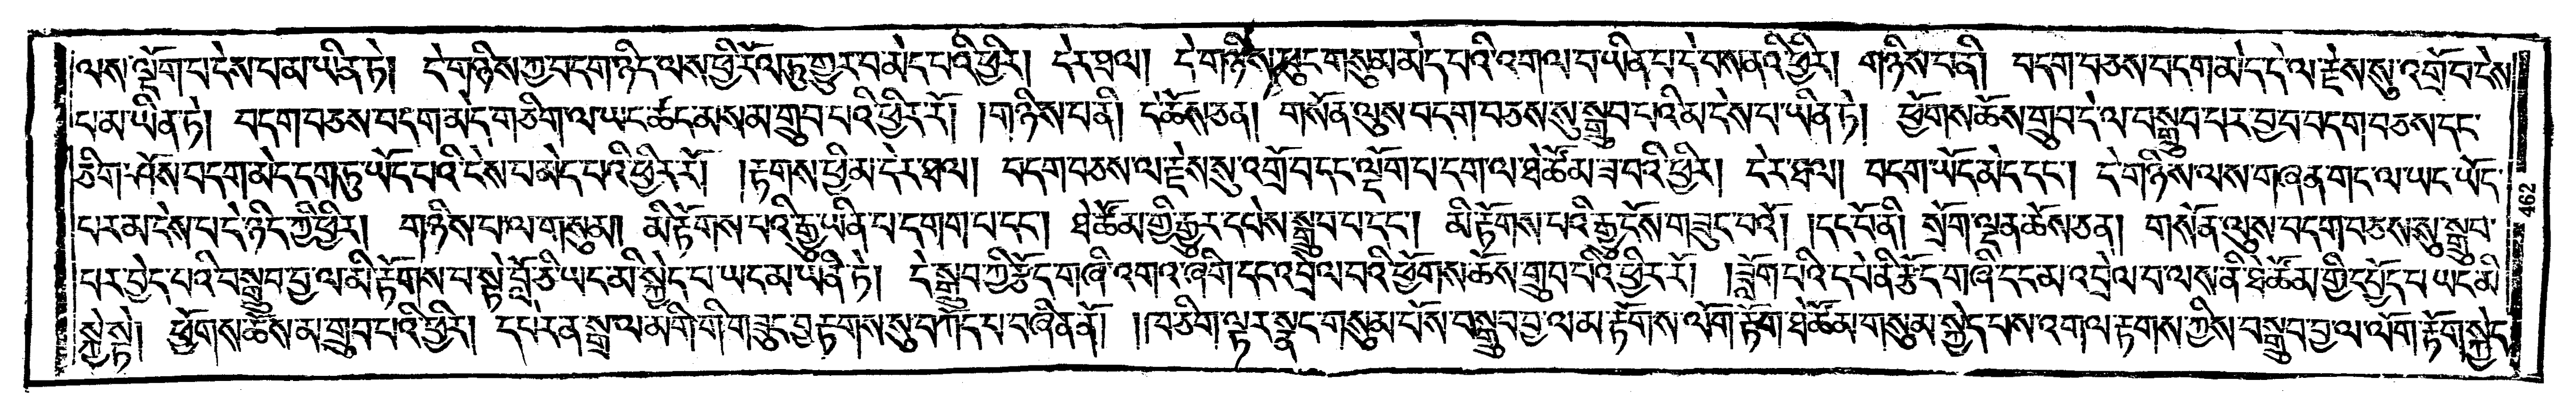ལས་ལྡོག་པ་དེས་པ་མ་ཡིན་ཏེ། དེ་གཉིས་ཀྱ་བདག་ཉིད་ལས་ཕྱི་རོལ་ཏུ་གྱུར་པ་མེད་པའི་ཕྱིར། དེར་ཐལ། དེ་གཉིས་ཕུང་གསུམ་མེད་པའི་འགལ་པ་ཡིན་པ་དེ་བས་ནའི་ཕྱིར། གཉིས་པ་ནི། བདག་བཅས་བདག་མེད་དེ་ལ་རྗེས་སུ་འགྲོ་བ་ངེས་
པ་མ་ཡིན་ཏེ། བདག་བཅས་བདག་མེད་གཅིག་ལ་ཡང་ཚད་མས་མ་གྲུབ་པའི་ཕྱིར་རོ། །གཉིས་པ་ནི། དེ་ཆོས་ཅན། གསོན་ལུས་བདག་བཅས་སུ་སྒྲུབ་པའི་མ་ངེས་པ་ཡིན་ཏེ། ཕྱོགས་ཆོས་གྲུབ་དེ་ལ་བསྒྲུབ་པར་བྱ་བ་བདག་བཅས་དང་
ཅིག་ཤོས་བདག་མེད་དག་ཏུ་ཡོད་པའི་ངེས་པ་མེད་པའི་ཕྱིར་རོ། །རྟགས་ཕྱི་མ་དེར་ཐལ། བདག་བཅས་ལ་རྗེས་སུ་འགྲོ་བ་དང་ལྡོག་པ་དག་ལ་ཐེ་ཚོམ་ཟ་བའི་ཕྱིར། དེར་ཐལ། བདག་ཡོད་མེད་དང་། དེ་གཉིས་ལས་གཞན་གང་ལ་ཡང་ཡོད་
པར་མ་ངེས་པ་དེ་ཉིད་ཀྱི་ཕྱིར། གཉིས་པ་ལ་གསུམ། མི་རྟོགས་པའི་རྒྱུ་ཡིན་པ་དགག་པ་དང་། ཐེ་ཚོམ་གྱི་རྒྱུར་དཔེས་སྒྲུབ་པ་དང་། མི་རྟོགས་པའི་རྒྱུ་ངོས་གཟུང་བའོ། །དང་པོ་ནི། སྲོག་ལྡན་ཆོས་ཅན། གསོན་ལུས་བདག་བཅས་སུ་སྒྲུབ་
པར་བྱེད་པའི་བསྒྲུབ་བྱ་ལ་མི་རྟོགས་པ་སྟེ་བློ་ཅི་ཡང་མི་སྐྱེད་པ་ཡང་མ་ཡིན་ཏེ། དེ་སྒྲུབ་ཀྱི་རྩོད་གཞི་འགའ་ཞིག་དང་འབྲེལ་བའི་ཕྱོགས་ཆོས་གྲུབ་པའི་ཕྱིར་རོ། །ཟློག་པའི་དཔེ་ནི་རྩོད་གཞི་དང་མ་འབྲེལ་པ་ལས་ནི་ཐེ་ཚོམ་གྱི་དཔྱོད་པ་ཡང་མི་
སྐྱེ་སྟེ། ཕྱོགས་ཆོས་མ་གྲུབ་པའི་ཕྱིར། དཔེར་ན་སྒྲ་ལ་མིག་གི་གཟུང་བྱ་རྟགས་སུ་བཀོད་པ་བཞིན་ནོ། །ཁ་ཅིག་ལྟར་སྣང་གསུམ་པོས་བསྒྲུབ་བྱ་ལ་མ་རྟོགས་ལོག་རྟོག་ཐེ་ཚོམ་གསུམ་སྐྱེད་པས་འགལ་རྟགས་ཀྱིས་བསྒྲུབ་བྱ་ལ་ལོག་རྟོག་སྐྱེད་